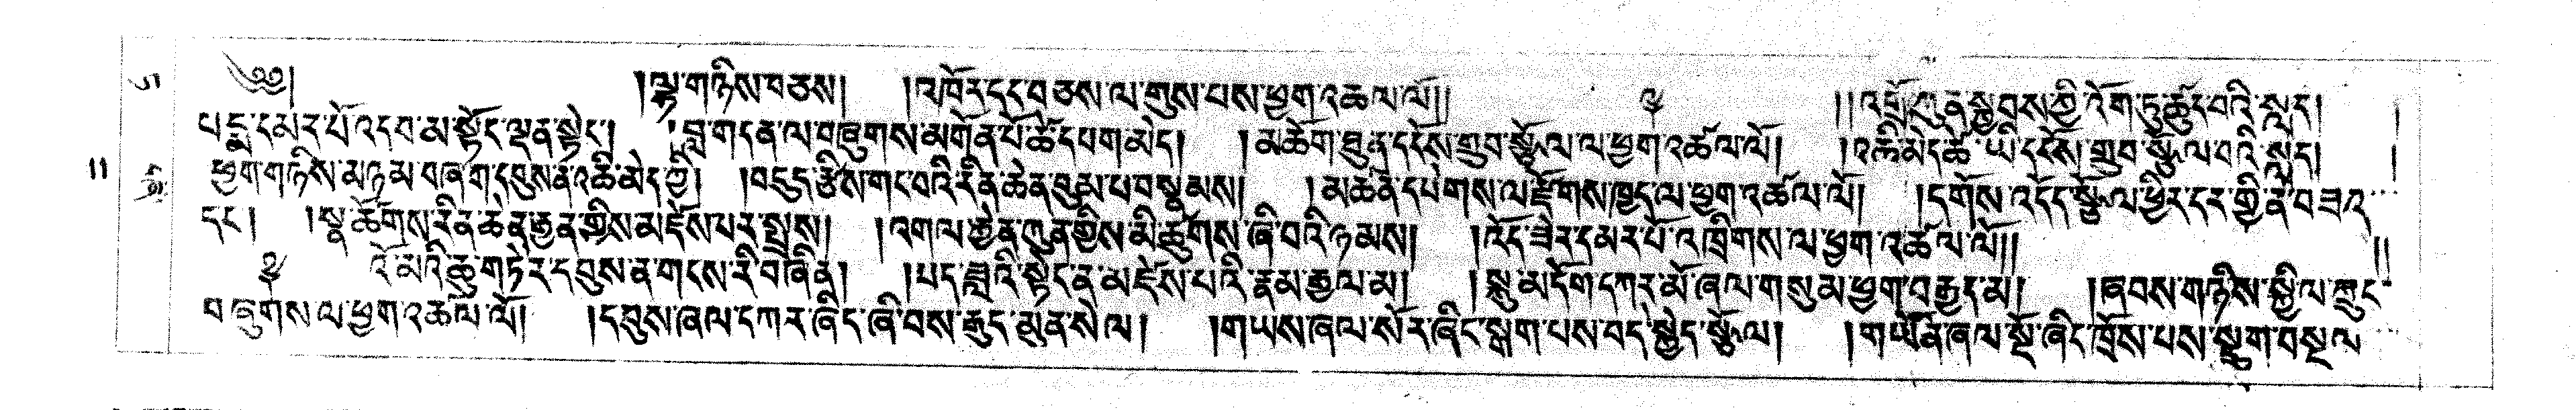༄༅། །ལྷ་གཉིས་བཅས། །འཁོར་དང་བཅས་ལ་གུས་པས་ཕྱག་འཚལ་ལོ།། ༈ །།འགྲོ་ཀུན་སྐྱབས་ཀྱི་འོག་ཏུ་ཚུད་བའི་སླད། །
པདམ་དམར་པོ་འདབ་མ་སྟོང་ལྡན་སྟེང་། །བླ་གདན་ལ་བཞུགས་མགོན་པོ་ཚེ་དཔག་མེད། །མཆོག་ཐུན་དངོས་གྲུབ་སྩོལ་ལ་ཕྱག་འཚལ་ལོ། །འཆི་མེད་ཚེ་ཡི་དངོས་གྲུབ་སྩོལ་བའི་སླད། །
ཕྱག་གཉིས་མཉམ་བཞག་དབུས་ན་འཆི་མེད་ཀྱི། །བདུད་རྩིས་གང་བའི་རིན་ཆེན་བུམ་པ་བསྣམས། །མཚན་དཔེ་གསལ་རྫོགས་ཁྱད་ལ་ཕྱག་འཚལ་ལོ། །དགོས་འདོད་སྩོལ་ཕྱིར་དར་གྱི་ན་བཟའ་
དང་། །སྣ་ཚོགས་རིན་ཆེན་རྒྱན་གྱིས་མཛེས་པར་སྤྲས། །འགལ་རྐྱེན་ཀུན་གྱིས་མི་ཚུགས་ཞི་བའི་ཉམས། །འོད་ཟེར་དམར་པོ་འཁྲིགས་ལ་ཕྱག་འཚལ་ལོ།། །།
༈ འོ་མའི་ཆུ་གཏེར་དབུས་ན་གངས་རི་བཞིན། །པད་ཟླའི་སྟེང་ན་མཛེས་པའི་རྣམ་རྒྱལ་མ། །སྐུ་མདོག་དཀར་མོ་ཞལ་གསུམ་ཕྱག་བརྒྱད་མ། །ཞབས་གཉིས་སྐྱིལ་ཀྲུང་
བཞུགས་ལ་ཕྱག་འཚལ་ལོ། །དབུས་ཞལ་དཀར་ཞིང་ཞི་བས་རྒུད་མུན་སེལ། །གཡས་ཞལ་སོར་ཞིང་སྒག་པས་བདེ་སྐྱེད་སྩོལ། །གཡོན་ཞལ་སྔོ་ཞིང་ཁྲོས་པས་སྡུག་བསྔལ་